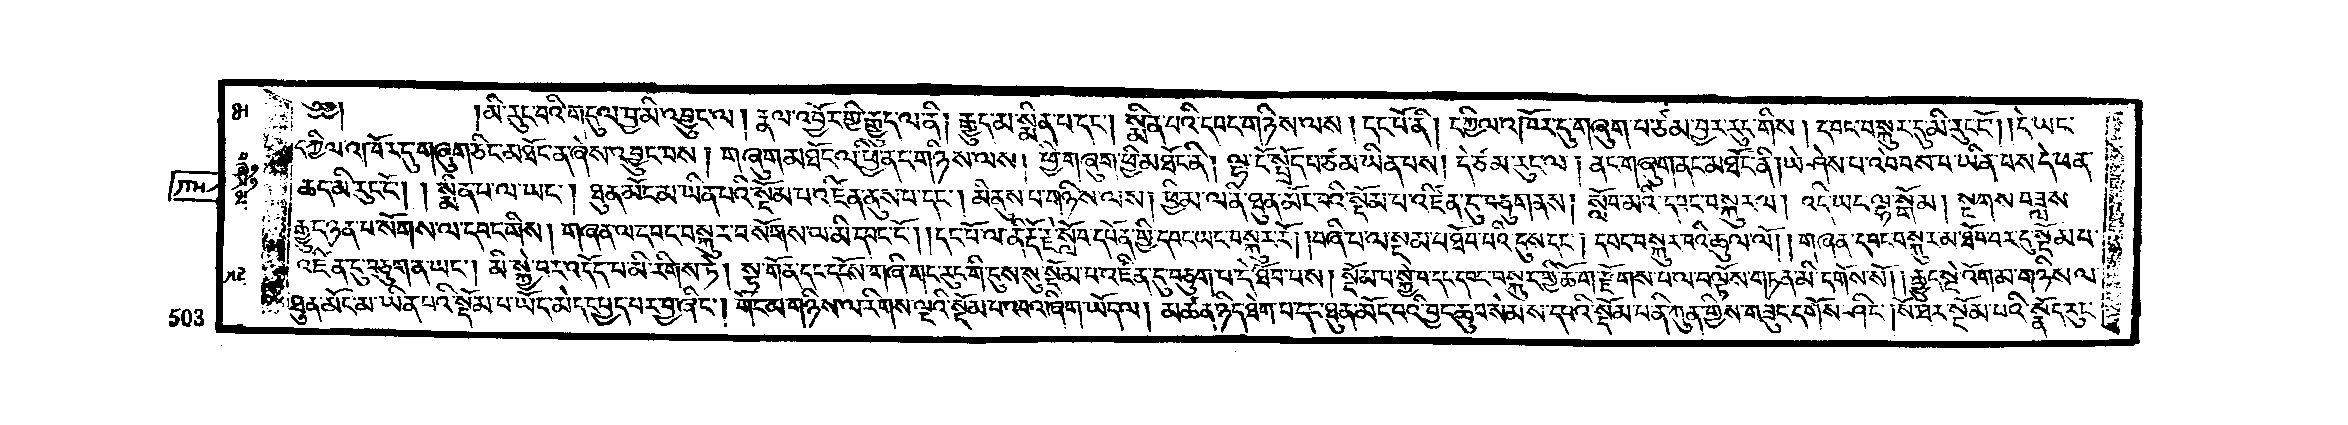༄༅། །མི་རུང་བའི་གདུལ་བྱ་མི་འབྱུང་ལ། རྣལ་འབྱོར་གྱི་རྒྱུད་ལ་ནི། རྒྱུད་མ་སྨིན་པ་དང་། སྨིན་པའི་དབང་གཉིས་ལས། དང་པོ་ནི། དཀྱིལ་འཁོར་དུ་གཞུག་པ་ཙམ་བྱར་རུང་གིས། དབང་བསྐུར་དུ་མི་རུང་ངོ། །དེ་ཡང་
དཀྱིལ་འཁོར་དུ་གཞུག་ཅིང་མཐོང་ན་ཞེས་འབྱུང་བས། གཞུག་མཐོང་ལ་ཕྱི་ནང་གཉིས་ལས། ཕྱི་གཞུག་ཕྱི་མཐོང་ནི། ལྷ་ངོ་སྤྲོད་པ་ཙམ་ཡིན་པས། དེ་ཙམ་རུང་ལ། ནང་གཞུག་ནང་མཐོང་ནི། ཡེ་ཤེས་པ་འབེབས་པ་ཡིན་པས་དེ་ཕན་
ཆད་མི་རུང་ངོ། །སྨིན་པ་ལ་ཡང་། ཐུན་མོང་མ་ཡིན་པའི་སྡོམ་པ་འཛིན་ནུས་པ་དང་། མི་ནུས་པ་གཉིས་ལས། ཕྱི་མ་ལ་ནི་ཐུན་མོང་བའི་སྡོམ་པ་འཛིན་དུ་བཅུག་ནས། སློབ་མའི་དབང་བསྐུར་ལ། འདི་ཡང་ལྷ་སྒོམ། སྔགས་བཟླས་
རྒྱུད་ཉན་པ་སོགས་ལ་དབང་གིས། གཞན་ལ་དབང་བསྐུར་བ་སོགས་ལ་མི་དབང་ངོ། །དང་པོ་ལ་ནི་རྡོ་རྗེ་སློབ་དཔོན་གྱི་དབང་ཡང་བསྐུར་རོ། །བཞི་པ་ལ་སྡོམ་པ་ཐོབ་པའི་དུས་དང་། དབང་བསྐུར་བའི་ཚུལ་ལོ། །གཞན་དབང་བསྐུར་མ་ཐོབ་བར་དུ་སྡོམ་པ་
འཛིན་དུ་བཅུག་ན་ཡང་། མི་སྐྱེ་བར་འདོད་པ་མི་རིགས་ཏེ། སྟ་གོན་དང་དངོས་གཞི་གང་རུང་གི་དུས་སུ་སྡོམ་པ་འཛིན་དུ་བཅུག་པ་དེ་ཐོབ་པས། སྡོམ་པ་སྐྱེ་བ་དང་དབང་བསྐུར་གྱི་ཆོ་ག་རྫོགས་པ་ལ་བལྟོས་གཏན་མི་དགོས་སོ། །རྒྱུད་སྡེ་འོག་མ་གཉིས་ལ་
ཐུན་མོང་མ་ཡིན་པའི་སྡོམ་པ་ཡོད་མེད་དཔྱད་པར་བྱ་ཞིང་། གོང་མ་གཉིས་ལ་རིགས་ལྔའི་སྡོམ་པ་འབའ་ཞིག་ཡོད་ལ། མཚན་ཉིད་ཐེག་པ་དང་ཐུན་མོང་བའི་བྱང་ཆུབ་སེམས་དཔའི་སྡོམ་པ་ནི་ཀུན་གྱིས་གཟུང་དགོས་ཤིང་། སོ་ཐར་སྡོམ་པའི་སྣོད་རུང་